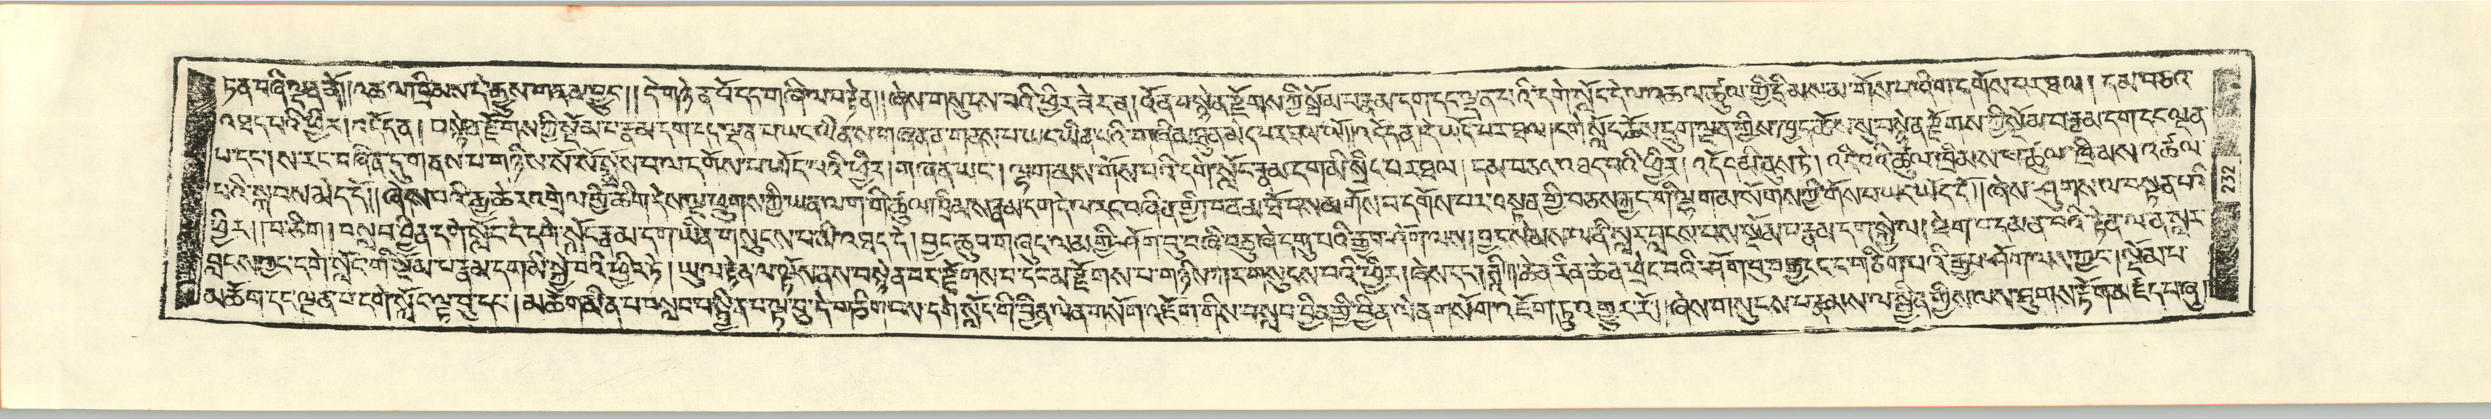ཏན་བཞི་ལྡན་ནོ། །འཆལ་ཁྲིམས་དེ་རྒྱུས་གནམ་བྱུང་། །དེ་གཉེན་པོ་དང་གཞི་ལ་བརྟེན། །ཞེས་གསུངས་པའི་ཕྱིར་ཟེར་ན། འོ་ན་བསྙེན་རྫོགས་ཀྱི་སྡོམ་པ་རྣམ་དག་དང་ལྡན་པའི་དགེ་སློང་དེ་ལ་འཆལ་ཚུལ་གྱི་དྲི་མས་མ་གོས་པ་ཞིག་དགོས་པར་ཐལ། དམ་བཅའ་
འཐད་པའི་ཕྱིར། འདོད་ན། བསྙེན་རྫོགས་ཀྱི་སྡོམ་པ་རྣམ་དག་དང་ལྡན་པ་ཡང་ཡིན་ས་གཞན་ན་གནས་པ་ཡང་ཡིན་པའི་གཞི་མཐུན་མེད་པར་ཐལ་ལོ། །འདོད་ན། དེ་ཡོད་པར་ཐལ། དགེ་སློང་ཆོས་དྲུག་ལྡན་གྱིས་ཁྱད་ཆོས་སུ་བསྙེན་རྫོགས་ཀྱི་སྡོམ་པ་རྣམ་དག་དང་ལྡན་
པ་དང་། ས་རང་བཞིན་དུ་གནས་པ་གཉིས་སོ་སོ་སྨྲོས་བ་ལ་དགོས་པ་ཡོད་པའི་ཕྱིར། གཞན་ཡང་། ལྷག་མས་གོས་པའི་དགེ་སློང་རྣམ་དག་མི་སྲིད་པར་ཐལ། དམ་བཅའ་འཐད་པའི་ཕྱིར། འདོད་མི་ནུས་ཏེ། འདི་བའི་ཚུལ་ཁྲིམས་པ་ཚུལ་ཁྲིམས་འཚལ་
པའི་སྐབས་མེད་དོ། །ཞེས་པའི་རྒྱ་ཆེར་འགྲེལ་གྱི་ཚིག་དེས་ལྔ་ཕྲུགས་ཀྱི་ཡན་ལག་གི་ཚུལ་ཁྲིམས་རྣམ་དག་དེ་ལ་རང་བཞིན་གྱི་ཁ་ན་མ་ཐོ་བསམ་གོས་བ་དགོས་པར་བསྟན་གྱི་བཅས་རྐྱང་གི་ལྷག་མ་སོགས་ཀྱི་གོས་བ་ཡང་ཡོད་དོ། །ཞེས་ཤུགས་ལ་བསྟན་པའི་
ཕྱིར། ཁ་ཅིག །བསླབ་བྱིན་དགེ་སློང་དེ་དགེ་སློང་རྣམ་དག་ཡིན་གསུངས་པ་མི་འཐད་དེ། བྱང་ཆུབ་གཞུང་ལམ་གྱི་ཤོག་བུ་བཞི་བཅུ་ཞེ་དགུ་པའི་རྒྱབ་ཤོག་ལས། བྱང་སེམས་ལ་ནི་སླར་བླངས་པས་སྡོམ་པ་རྣམ་དག་སྐྱེ་ལ། ཐེག་པ་དམན་པའི་རྟེན་ལ་ན་སླར་
བླངས་ཀྱང་དགེ་སློང་གི་སྡོམ་པ་རྣམ་དག་མི་སྐྱེ་བའི་ཕྱིར་ཏེ། ཡུལ་རྟེན་ལ་ལྟོས་ནས་བསྙེན་པར་རྫོགས་པ་དང་མ་རྫོགས་པ་གཉིས་ཀར་གསུངས་པའི་ཕྱིར། ཞེས་དང་། ཊཱིཀ་ཆེན་རིན་ཆེན་ཕྲེང་བའི་ཤོག་བུ་བརྒྱ་དང་ང་གཅིག་པའི་རྒྱབ་ཤོག་ལས་ཀྱང་། སྡོམ་པ་
མཆོག་དང་ལྡན་པ་དགེ་སློང་ལྟ་བུ་དང་། མཆོག་མིན་པ་བསླབ་པ་སྦྱིན་པ་ལྟ་བུ་དེ་གཅིག་པས་དགེ་སློང་གི་བྱིན་ལེན་གསོག་འཇོག་གིས་བསླབ་བྱིན་གྱི་བྱིན་ལེན་གསོག་འཇོག་ཏུ་འགྱུར་རོ། །ཞེས་གསུངས་པ་རྣམས་ལ་སྦྱིན་གྱིས་ལས་ཐུགས་རྟོག་མཛད་པ་ཞུ།